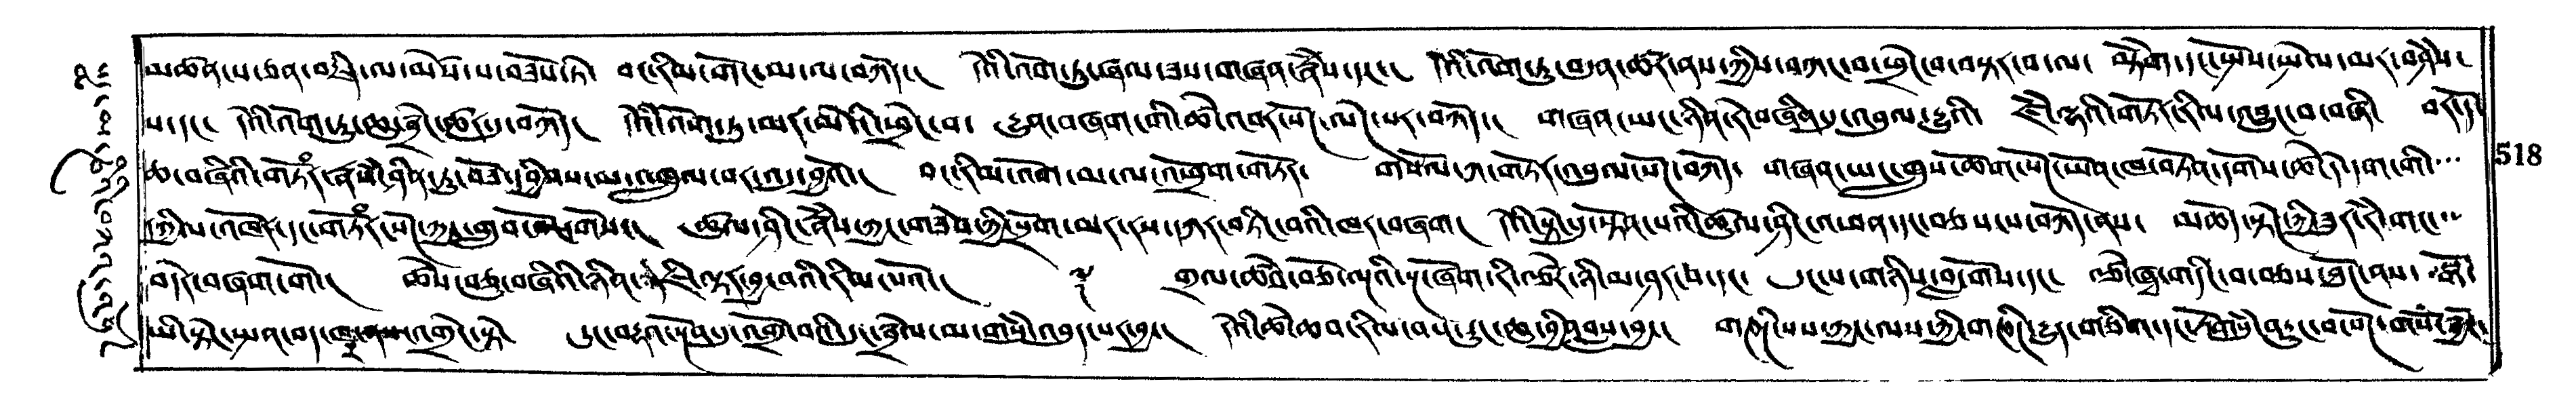མཚན་པ་ཅན་བརྗིད་ལ་མཛེས་པ་བཟོས་ཏེ། བང་རིམ་གོང་མ་ལ་བཀོད། དེའི་འོག་ཏུ་ཞལ་ཟས་གཞན་རྣམས་དང་། དེའི་འོག་ཏུ་བདུན་ཚར་ནས་ཀྱིས་བཀང་བ་ཕྲེང་བ་བསྟར་བ་ལ། མེ་ཏོག་དང་སྤོས་སྤེལ་མར་བཤམས་
པ་དང་། དེའི་འོག་ཏུ་ཆུ་སྦྲེང་ཚར་དུ་བཀོད།དེའི་འོག་ཏུ་མར་མེའི་ཕྲེང་བ། རྒྱུན་བཞག་གི་ཚེ་འབར་སོགས་ལེགས་པར་བཀོད། གཞན་ཡང་ཉིན་རེ་བཞིན་དུ་འབུལ་རྒྱུའི་ཛམ་ལྷའི་གཏོར་རིལ། འབྱུང་བ་བཞི། བར་དོ་
ཆ་བཞིའི་གཏོར་མ་རྣམས་ཤིན་ཏུ་བཟོ་དབྱིབས་མ་འཁྲུལ་བར་འདུ་བྱའོ།། བང་རིམ་འོག་མ་ལ་འཕྲོག་གཏོར། གསོལ་ཀ་གཏོར་འབུལ་སོགས་བཀོད། གཞན་ཡང་ཁྲུས་ཆོག་སོགས་ཡོན་ཁ་བཏོན་དགོས་ཚེ་དེ་དག་གི་
དཀྱིལ་འཁོར་དང་གཏོར་མ་སོགས་ཀྱང་གྲུབ་དགོས། ཚུལ་ཤིང་རྣམས་ཀྱང་གཟེབ་ཀྱི་སྲོག་མར་རས་དཀར་བཏིང་བའི་ཁར་བཞག དེའི་སྟེང་དུ་སྟཽན་པའི་ཚུལ་ཤིང་འཕན་དང་བཅས་པ་བཀོད་ནས། མཆོད་སྟེགས་ཀྱི་ཟུར་རམ་གང་
བདེར་བཞག་གོ།། ཚེས་བཅུ་བཞིའི་ཉིན་ཇི་ལྟར་བྱ་བའི་རིམ་པའོ།། ༈ གྲལ་ཚེས་བཅོ་ལྔའི་སྔ་ཞོག་རི་རྩེར་ཉི་མ་ཤར་བ་དང་། དུང་པ་གཉིས་བླ་གོས་དང་། རྩེ་ཞྭ་གཞིང་བ་བཅས་ཐོགས་ནས་སྒོ་
ཡི་སྟེང་སྤེན་བད་ཁར་འགྲེང་སྟེ། དུང་བརྡ་སྔོན་དུ་འགྲོ་བའི་དུང་སྦྲེལ་མ་གསུམ་འབུད་པར་བྱ། དེའི་ཚེ་ཆབ་རིལ་བས་རུང་ཆུ་བྱིན་བརླབ་བྱ། གཎྜི་པས་ཀྱང་ལས་ཀྱི་གཎྜི་རྒྱུད་གཅིག་དང་ཏོག་གསུམ་བརྡུང་བ་སོགས་གསོ་སྦྱོང་